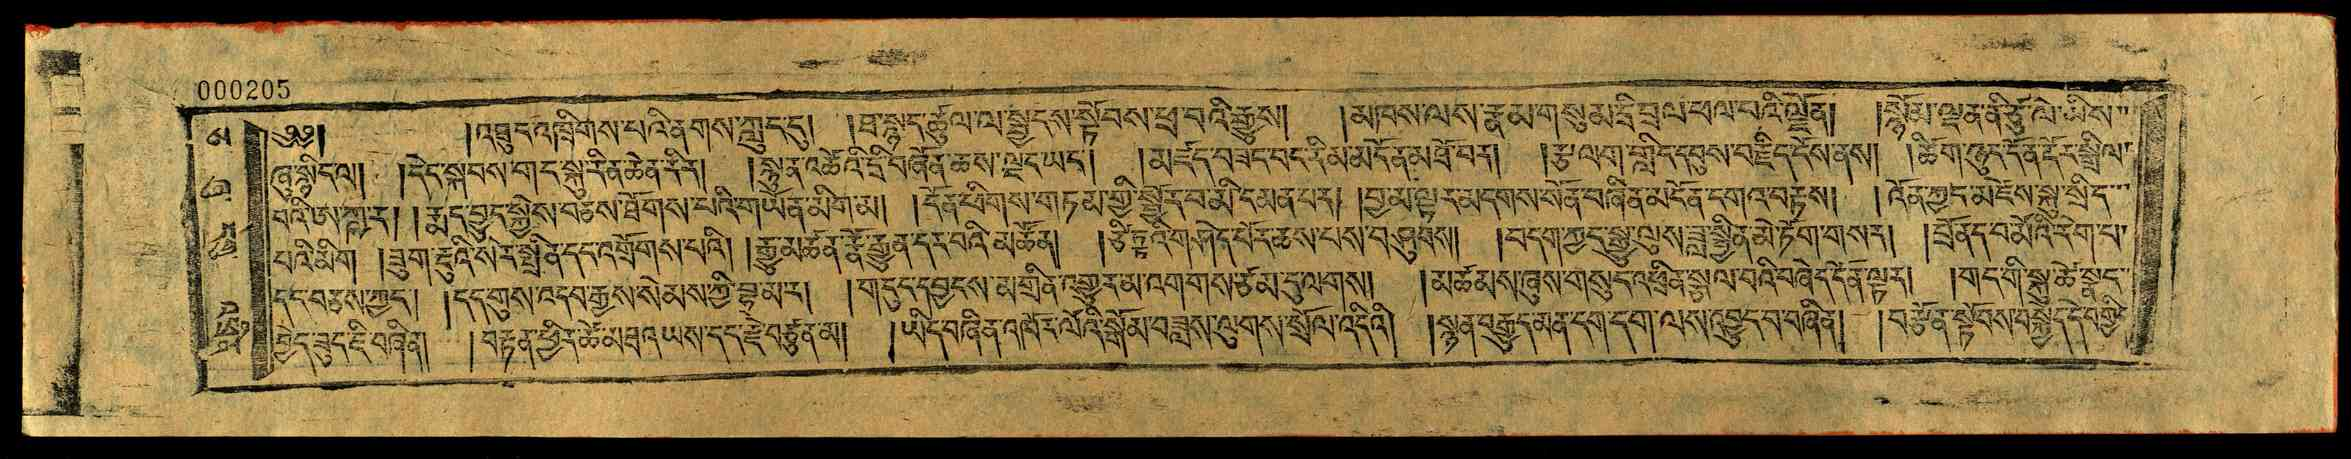༄༅། །འཐུང་འཁྲིགས་པའི་ནགས་ཀླུང་དུ། །ཐ་སྙད་ཚུལ་ལ་སྦྱངས་སྟོབས་ཕྲ་བའི་རྒྱུས། །མཁས་ལས་རྣམ་གསུམ་དྲི་གྲལ་ཕལ་པའི་ལྗོན། །སྙོམ་ལྡན་ནི་ཙུ་ལེ་ཡིས་
ཞུ་སྙིང་ལ། །དེང་སྐབས། གང་སྐུ་རིན་ཆེན་རི་ར། །སྙུན་འཚེའི་དྲི་བཞིན་ཆེས་ལྡང་ཡང་། །མཛད་བཟང་བང་རིམ་མངོན་མཐོ་བར། །རྩ་ལག་གླིང་དབུས་བརྗིད་ངོས་ནས། །ཚིག་ཉུང་དོན་རྡོར་སྒྲིལ་
པའི་ཨ་ཀྵ་ར། །རྨད་བྱུང་སྐྱེས་བཅས་ཐགས་པའི་གཡོན་མིག་མ། །དོན་ཕིགས་གཏམ་གྱི་སྦྱོར་བ་མི་དམན་པར། །བྱ་མ་ལྟར་མངགས་སོན་བ་ཞིན་མངོན་དགའ་བཏས། །འོན་ཀྱང་མཛེས་སྐུ་སྲིད་
པའི་མིག །ཟུག་རྔུའི་སེར་སྤྲིན་དང་འགྲོགས་པའི། །རྒྱུ་མཚན་རྣོ་རྒྱུན་དར་བའི་མཚོན། །ཙིརྲའི་གཤེད་པོར་ཆས་པས་བཞུངས། །བདག་ཀྱང་སྒྱུ་ལུས་ཟླ་སྦྱིན་མེ་ཏོག་གསར། །བྲོ་ནད་པ་མོའི་རིག་པ་
དང་བཅས་ཀྱང་། །དད་གུས་འདབ་རྒྱས་སེམས་ཀྱི་བྷྲ་མ་ར། །གདུང་དབྱངས་མགྲིན་འགྱུར་མ་འགགས་ཙམ་དུ་ལགས། །མཚམས་ཞུས་གསུང་འཕྲིན་སྩལ་བའི་བཞེད་དོན་ལྟར། །གང་གི་སྐུ་ཚེ་སྣང་
བྱེད་ཟུང་ཇི་བཞིན། །བརྟན་ཕྱིར་ཚེ་མཐའ་ཡས་དང་རྗེ་བཙུན་མ། །ཡིད་བཞིན་འཁོར་ལོའི་སྒོམ་བཟླས་ལུགས་སྲོལ་འདིའི། །སྙན་བརྒྱུད་མན་ངག་དག་ལས་འབྱུང་བ་བཞིན། །བརྩོན་སྟོབས་བསྐྱེད་དེ་བགྱིད་